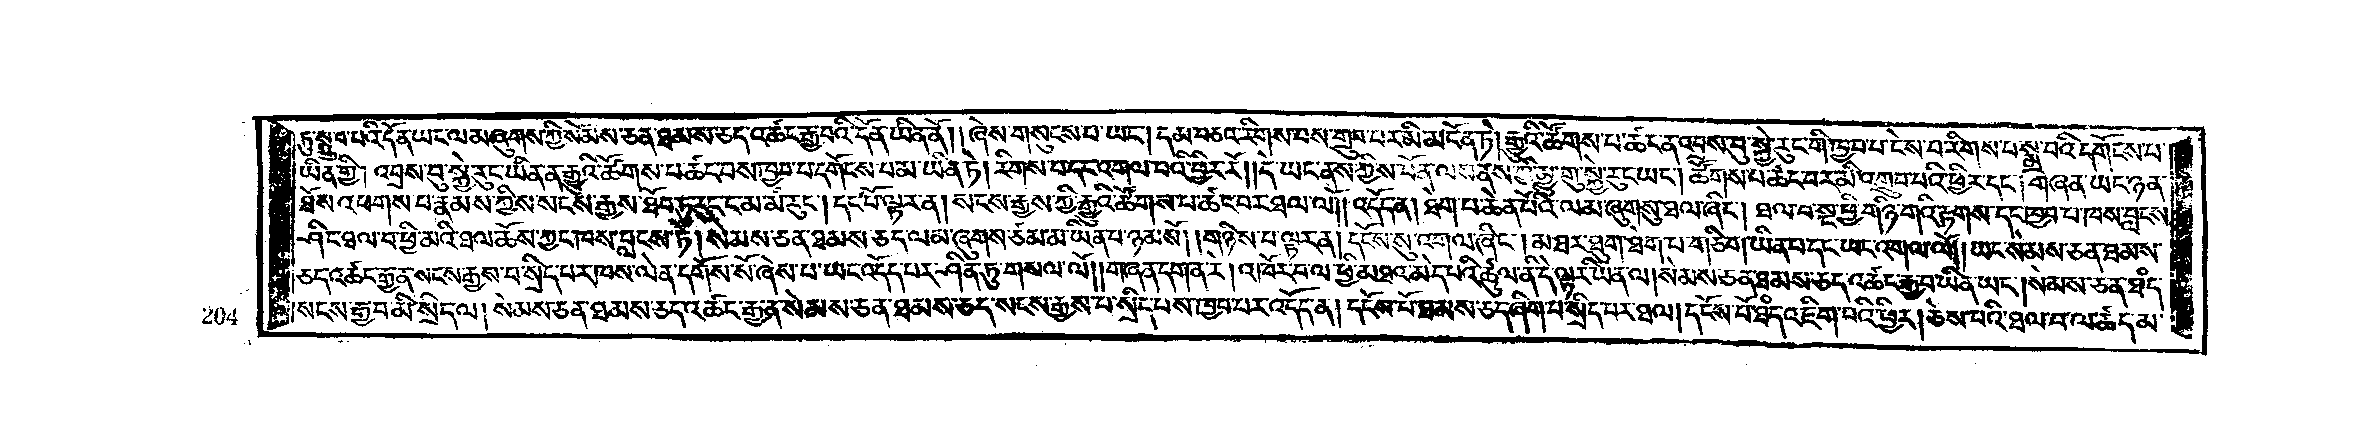ཏུ་སྒྲུབ་པའི་དོན་ཡང་ལམ་ཞུགས་ཀྱི་སེམས་ཅན་ཐམས་ཅད་འཚང་རྒྱ་བའི་དོན་ཡིན་ནོ། །ཞེས་གསུངས་པ་ཡང་། དམ་བཅའ་རིགས་པས་གྲུབ་པར་མི་མངོན་ཏེ། རྒྱུའི་ཚོགས་པ་ཚང་ན་འབྲས་བུ་སྐྱེ་རུང་གི་ཁྱབ་པ་ངེས་པ་རིགས་པ་སྨྲ་བའི་དགོངས་པ་
ཡིན་གྱི་།འབྲས་བུ་སྐྱེ་རུང་ཡིན་ན་རྒྱུའི་ཚོགས་པ་ཚང་བས་ཁྱབ་པ་དགོངས་པ་མ་ཡིན་ཏེ། རིགས་པ་དང་འགལ་བའི་ཕྱིར་རོ། །དེ་ཡང་ནས་ཀྱི་ས་བོན་ལས་ནས་ཀྱི་མྱུ་གུ་སྐྱེ་རུང་ཡང་། ཚོགས་པ་ཚང་བར་མི་འགྲུབ་པའི་ཕྱིར་དང་། གཞན་ཡང་ཉན་
ཐོས་འཕགས་པ་རྣམས་ཀྱིས་སངས་རྒྱས་ཐོབ་ཏུ་རུང་ངམ་མི་རུང་། དང་པོ་ལྟར་ན། སངས་རྒྱས་ཀྱི་རྒྱུའི་ཚོགས་པ་ཚང་བར་ཐལ་ལོ། །འདོད་ན། ཐེག་པ་ཆེན་པོའི་ལམ་ཞུགས་སུ་ཐལ་ཞིང་། ཐལ་པ་སྔ་ཕྱི་གཉི་གའི་རྟགས་དང་ཁྱབ་པ་ཁས་བླངས་
ཤིང་ཐལ་པ་ཕྱི་མའི་ཐལ་ཆོས་ཀྱང་ཁས་བླངས་ཏེ། སེམས་ཅན་ཐམས་ཅད་ལམ་ཞུགས་ཙམ་མ་ཡིན་པ་ཉམས་སོ། །གཉིས་པ་ལྟར་ན། དངོས་སུ་འགལ་ཞིང་། མཐར་ཐུག་ཐེག་པ་གཅིག་ཡིན་པ་དང་ཡང་འགལ་ལོ། །ཡང་སེམས་ཅན་ཐམས་
ཅད་འཚང་རྒྱ་ན་སངས་རྒྱས་པ་སྲིད་པར་ཁས་ལེན་དགོས་སོ་ཞེས་པ་ཡང་འདོད་པར་ཤིན་ཏུ་གསལ་ལོ། །གཞན་དག་ན་རེ། འཁོར་བ་ལ་ཕྱི་མཐའ་མེད་པའི་ཚུལ་ནི་དེ་ལྟར་ཡིན་ལ། སེམས་ཅན་ཐམས་ཅད་འཚང་རྒྱ་བ་ཡིན་ཡང་། སེམས་ཅན་ཐམས་ཅད་
སངས་རྒྱ་བ་མི་སྲིད་ལ། སེམས་ཅན་ཐམས་ཅད་འཚང་རྒྱ་ན་སེམས་ཅན་ཐམས་ཅད་སངས་རྒྱས་པ་སྲིད་པས་ཁྱབ་པར་འདོད་ན། དངོས་པོ་ཐམས་ཅད་ཞིག་པ་སྲིད་པར་ཐལ། དངོས་པོ་ཐམས་ཅད་འཇིག་པའི་ཕྱིར། ཅེས་པའི་ཐལ་པ་ལ་ཚད་མ་